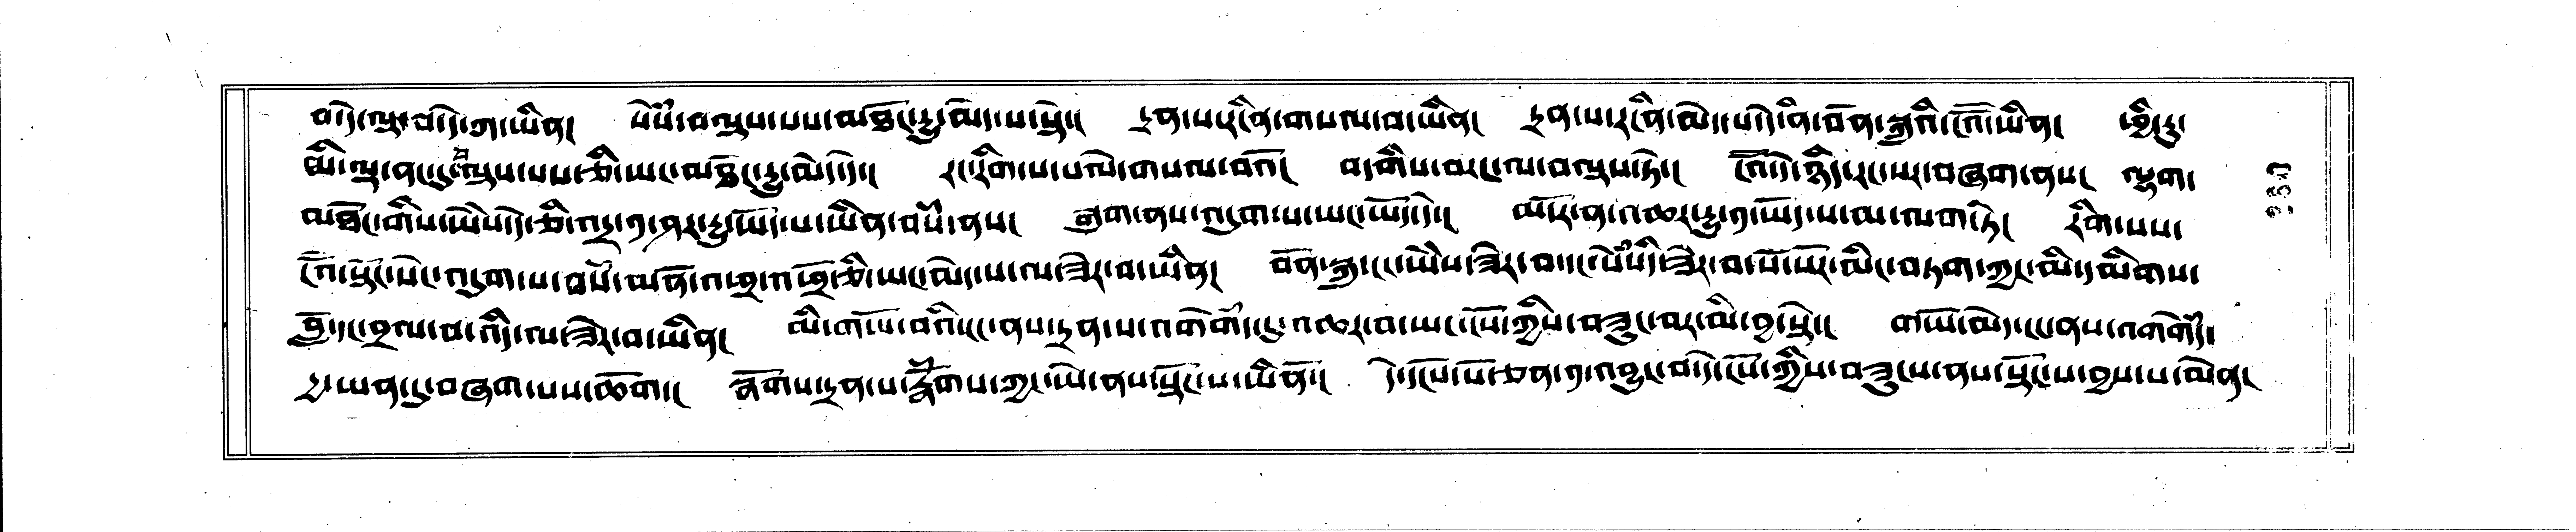བ་དེ་ཀ་ཡིན། སེམས་ལས་བལྟས་པས་མཐོང་རྒྱུ་མེད་སྟེ། དྲན་པ་རང་རིག་གསལ་བ་ཡིན། དྲན་པ་རང་བཞིན་མེད་པ་དེ་ནི་བོན་སྐུའི་ངོའོ་ཡིན། ཕྱི་རུ་
མི་ལྟ་ནང་དུ་བལྟས་ན། མཐོང་རྒྱུ་ངོའོ་ཅི་ཡང་མེད་དེ། རང་རིག་སལེ་གསལ་བའོ། མིག་གིས་བར་སྣང་ལ་བལྟས་ཏེ། ངོའོ་དེ་ཉིད་རང་སར་བཞག་ནས་ལྷག་
མཐོང་གི་ཡེ་ཤེས་རང་བཞིན་གྱི་འཆར་བའོ། ཡང་སྒྲུབས་པ་པོ་རྨོངས་པ་ཕལ་པའི་(པས)། ལྷག་མཐོང་གི་ཡེ་ཤེས་དེ་ལ་ཅི་འདྲ་ཞིག་འཆར་རྒྱུ་ཡོད་པ་ཡིན་བསམ་ནས་འདུག་པའང་ཡོད་དེ། མདོར་ན་འཆར་རྒྱུ་གཅིག་ཡོད་པ་མ་ལགས་སྟེ། རིག་པའི་
ངོའོ་སྟོང་སང་ངེ་འདུག་པ་བསམ་མནོའ་འཕྲ་འཕྲོ་ཅི་ཡང་མེད་པ་འདི་ལ་ཟེར་བ་ཡིན། བོན་སྐུ་དང་ཡེ་ཤེས་ཟེར་བ་དང་། སེམས་ཉིད་ཟེར་བ་སོ་སོར་དུ་མིང་དུ་བཏགས་ཀྱང་། མི་དམིགས་
བློ་ལ་འདས་པ་དེ་ལ་ཟེར་བ་ཡིན། མ་གཡོས་པའི་ངང་ནས་དྲན་པ་འགག་མེད་དུ་ཤར་ཡང་། ངོས་ཀྱི་བཟུང་པར་མི་བྱའོ། གཡོ་མེད་ངང་ལ་འགག་མེད་
རྒྱ་ཡན་དུ་བཞགས་པས་ཆོག་གོ སྣ་ཚོགས་ཀྱི་དྲན་པ་རྣམ་རྟོག་ཀྱང་ཡེ་ནས་སྟོང་པ་ཡིན་ནོ། དེ་དངོས་པོ་གཅིག་བྱུང་པ་དེ་ངོས་ཀྱིས་བཟུངས་པས་སྟོང་པ་བྱས་པ་མེན།